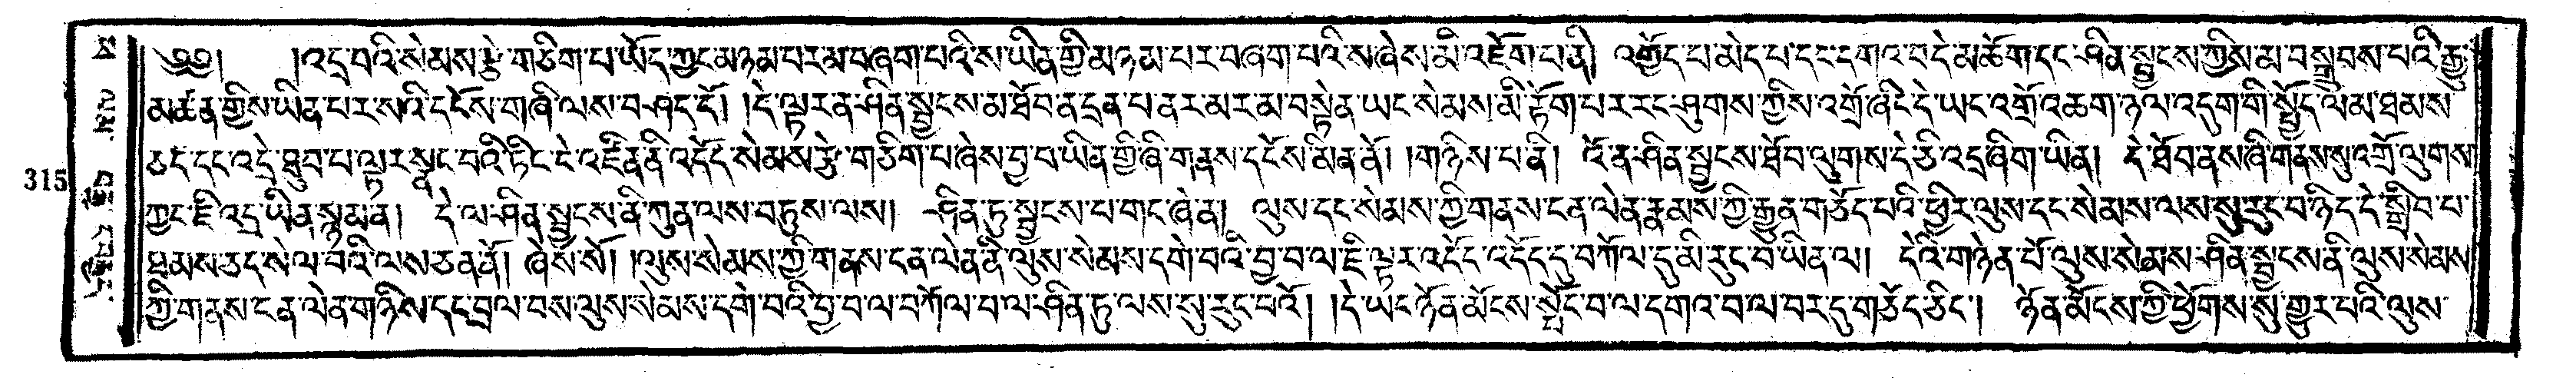༄༅། །འདྲ་བའི་སེམས་རྩེ་གཅིག་པ་ཡོད་ཀྱང་མཉམ་པར་མ་བཞག་པའི་ས་ཡིན་གྱི་མཉམ་པར་བཞག་པའི་ས་ཞེས་མི་འཇོག་པ་ནི། འགྱོད་པ་མེད་པ་དང་དགའ་བདེ་མཆོག་དང་ཤིན་སྦྱངས་ཀྱིས་མ་བསྒྲུབས་པའི་རྒྱུ་
མཚན་གྱིས་ཡིན་པར་སའི་དངོས་གཞི་ལས་བཤད་དོ། །དེ་ལྟར་ན་ཤིན་སྦྱངས་མ་ཐོབ་ན་དྲན་པ་ནར་མར་མ་བསྟེན་ཡང་སེམས་མི་རྟོག་པར་རང་ཤུགས་ཀྱིས་འགྲོ་ཞིང་དེ་ཡང་འགྲོ་འཆག་ཉལ་འདུག་གི་སྤྱོད་ལམ་ཐམས་
ཅད་དང་འདྲེ་ཐུབ་པ་ལྟར་སྣང་བའི་ཏིང་ངེ་འཛིན་ནི་འདོད་སེམས་རྩེ་གཅིག་པ་ཞེས་བྱ་བ་ཡིན་གྱི་ཞི་གནས་དངོས་མིན་ནོ། །གཉིས་པ་ནི། འོ་ན་ཤིན་སྦྱངས་ཐོབ་ལུགས་དེ་ཅི་འདྲ་ཞིག་ཡིན། དེ་ཐོབ་ནས་ཞི་གནས་སུ་འགྲོ་ལུགས་
ཀྱང་ཇི་འདྲ་ཡིན་སྙམ་ན། དེ་ལ་ཤིན་སྦྱངས་ནི་ཀུན་ལས་བཏུས་ལས། ཤིན་ཏུ་སྦྱངས་པ་གང་ཞེ་ན། ལུས་དང་སེམས་ཀྱི་གནས་ངན་ལེན་རྣམས་ཀྱི་རྒྱུན་གཅོད་པའི་ཕྱིར་ལུས་དང་སེམས་ལས་སུ་རུང་བ་ཉིད་དེ་སྒྲིབ་པ་
ཐམས་ཅད་སེལ་བའི་ལས་ཅན་ནོ། ཞེས་སོ། །ལུས་སེམས་ཀྱི་གནས་ངན་ལེན་ནི་ལུས་སེམས་དགེ་བའི་བྱ་བ་ལ་ཇི་ལྟར་འདོད་འདོད་དུ་བཀོལ་དུ་མི་རུང་བ་ཡིན་ལ། དེའི་གཉེན་པོ་ལུས་སེམས་ཤིན་སྦྱངས་ནི་ལུས་སེམས་
ཀྱི་གནས་ངན་ལེན་གཉིས་དང་བྲལ་བས་ལུས་སེམས་དགེ་བའི་བྱ་བ་ལ་དགེ་བའི་བྱ་བ་ལ་བཀོལ་པ་ལ་ཤིན་ཏུ་ལས་སུ་རུང་པའོ། །དེ་ཡང་ཉོན་མོངས་སྤོང་བ་ལ་དགའ་བ་ལ་བར་དུ་གཅོད་ཅིང་། ཉོན་མོངས་ཀྱི་ཕྱོགས་སུ་གྱུར་པའི་ལུས་